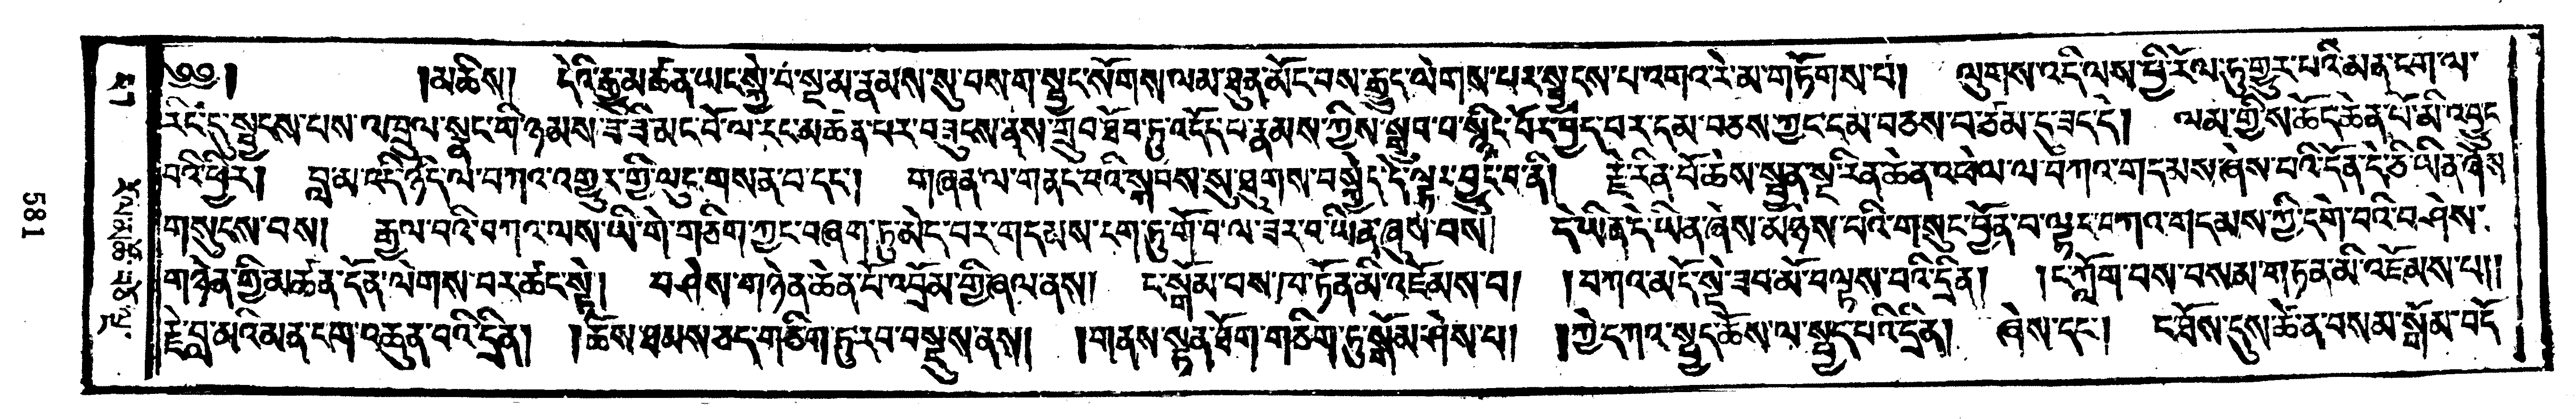༄༅། །མཆིས། དེའི་རྒྱུ་མཚན་ཡང་སྐྱེ་བ་སྔ་མ་རྣམས་སུ་བསག་སྦྱང་སོགས་ལམ་ཐུན་མོང་བས་རྒྱུད་ལེགས་པར་སྦྱངས་པ་འགའ་རེ་མ་གཏོགས་པ། ལུགས་འདི་ལས་ཕྱི་རོལ་ཏུ་གྱུར་པའི་མན་ངག་ལ་
རིང་དུ་སྦྱངས་པས་འཁྲུལ་སྣང་གི་ཉམས་ཟ་ཟི་མང་བོ་ལ་རང་མཚན་པར་བཟུངས་ནས་གྲུབ་ཐོབ་ཏུ་འདོད་པ་རྣམས་ཀྱིས་སྒྲུབ་པ་སྙིང་བོར་བྱེད་པར་དམ་བཅས་ཀྱང་ངམ་བཅས་པ་ཙམ་དུ་ཟད་དེ། ལམ་གྱི་ས་ཆོས་ཆེན་པོ་མི་འབྱུང་
བའི་ཕྱིར། བླ་མ་འདི་ཉིད་ལ་བཀའ་འགྱུར་གྱི་ལུང་གསན་པ་དང་། གཞན་ལ་གནང་བའི་སྐབས་སུ་ཐུགས་བསྐྱེད་དེ་ལྟར་བྱུང་བ་ནི། རྗེ་རིན་པོ་ཆེས་སྦྱན་སྔ་རིན་ཆེན་འཕེལ་ལ་བཀའ་གདམས་ཞེས་པའི་དོན་དེ་ཅི་ཡིན་ཞེས་
གསུངས་པས། རྒྱལ་བའི་བཀའ་ལས་ཡི་གེ་གཅིག་ཀྱང་བཞག་ཏུ་མེད་པར་གདམས་ངག་ཏུ་གོ་བ་ལ་ཟེར་བ་ཡིན་ཞུས་བས། དེ་ཡིན་དེ་ཡིན་ཞེས་མཉེས་པའི་གསུང་བྱོན་པ་ལྟང་བཀའ་གདམས་ཀྱི་དགེ་བའི་བཤེས་
གཉེན་གྱི་མཚན་དོན་ལེགས་པར་ཚང་སྟེ། བཤེས་གཉེན་ཆེན་པོ་འབྲོམ་གྱི་ཞལ་ནས། ང་སྒོམ་པས་ཁ་ཏོན་མི་འཇོམས་པ། །བཀའ་མདོ་སྡེ་ཟབ་མོ་བལྟས་པའི་དྲིན། །ང་ཀློག་པས་བསམ་གཏན་མི་འཇོམས་པ།།
རྗེ་བླ་མའི་མན་ངག་འཆུན་བའི་དྲིན། །ཆོས་ཐམས་ཅད་གཅིག་ཏུ་རབ་བསྡུས་ནས། །གནས་སྟན་ཐོག་གཅིག་ཏུ་སྒོམ་ཤེས་པ། །ཀྱེ་དཀའ་སྤྱད་ཆོས་ལ་སྤྱད་པའི་དྲིན། ཞེས་དང་། ང་ཐོས་དུས་ཚེ་ན་བསམ་སྒོམ་བོད་